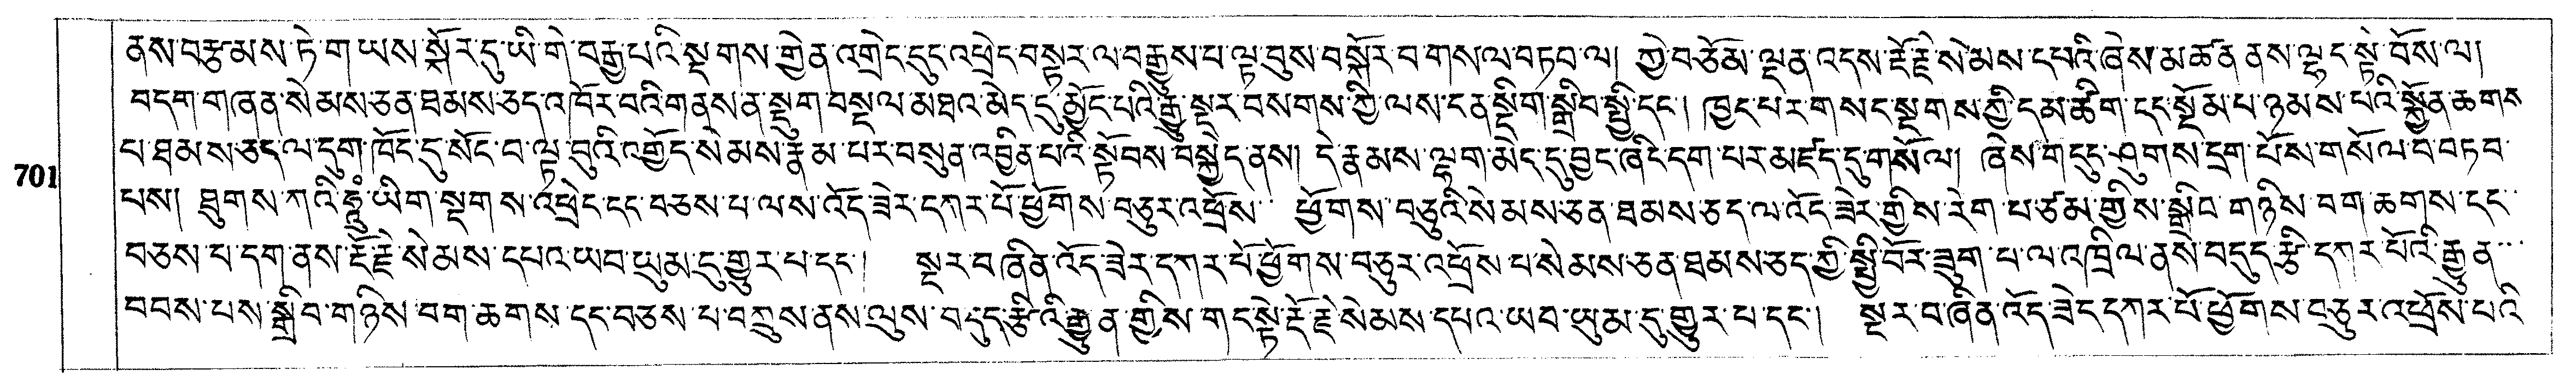ནས་བརྩམས་ཏེ་གཡས་སྐོར་དུ་ཡི་གེ་བརྒྱ་པའི་སྔགས་གྱེན་འགྲེང་དུང་འཕྲེང་བསྟར་ལ་བརྒྱུས་པ་ལྟ་བུས་བསྐོར་བ་གསལ་བཏབ་ལ། ཀྱེ་བཅོམ་ལྡན་འདས་རྡོ་རྗེ་སེམས་དཔའི་ཞེས་མཚན་ནས་ལྷང་སྟེ་བོས་ལ།
བདག་གཞན་སེམས་ཅན་ཐམས་ཅད་འཁོར་བའི་གནས་ན་སྡུག་བསྔལ་མཐའ་མེད་དུ་མྱོང་བའི་རྒྱུ་སྔར་བསགས་ཀྱི་ལས་ངན་སྡིག་སྒྲིབ་སྤྱི་དང་། ཁྱད་པར་གསང་སྔགས་ཀྱི་དམ་ཚིག་དང་སྡོམ་པ་ཉམས་པའི་སྐྱོན་ཆགས་
པ་ཐམས་ཅད་ལ་དུག་ཁོང་དུ་སོང་བ་ལྟ་བུའི་འགྱོད་སེམས་རྣམ་པར་བསུན་འབྱིན་པའི་སྟོབས་བསྐྱེད་ནས། དེ་རྣམས་ལྷག་མེད་དུ་བྱང་ཞིང་དག་པར་མཛད་དུ་གསོལ། ཞེས་གདུང་ཤུགས་དྲག་པོས་གསོལ་བ་བཏབ་
པས། ཐུགས་ཀའི་ཧཱུཾ་ཡིག་སྔགས་འཕྲེང་དང་བཅས་པ་ལས་འོད་ཟེར་དཀར་པོ་ཕྱོགས་བཅུར་འཕྲོས་ཕྱོགས་བཅུའི་སེམས་ཅན་ཐམས་ཅད་ལ་འོད་ཟེར་གྱིས་རེག་པ་ཙམ་གྱིས་སྒྲིབ་གཉིས་བག་ཆགས་དང་
བཅས་པ་དག་ནས་རྡོ་རྗེ་སེམས་དཔའ་ཡབ་ཡུམ་དུ་གྱུར་པ་དང་། སྔར་བཞིན་འོད་ཟེར་དཀར་པོ་ཕྱོགས་བཅུར་འཕྲོས་པ་སེམས་ཅན་ཐམས་ཅད་ཀྱི་སྤྱི་བོར་ཟུག་པ་ལ་འཁྲིལ་ནས་བདུད་རྩི་དཀར་པོའི་རྒྱུན་
བབས་པས་སྒྲིབ་གཉིས་བག་ཆགས་དང་བཅས་པ་བཀྲུས་ནས་ལུས་བདུད་རྩིའི་རྒྱུན་གྱིས་གང་སྟེ་རྡོ་རྗེ་སེམས་དཔའ་ཡབ་ཡུམ་དུ་གྱུར་པ་དང་། སྔར་བཞིན་འོད་ཟེར་དཀར་པོ་ཕྱོགས་བཅུར་འཕྲོས་པའི་